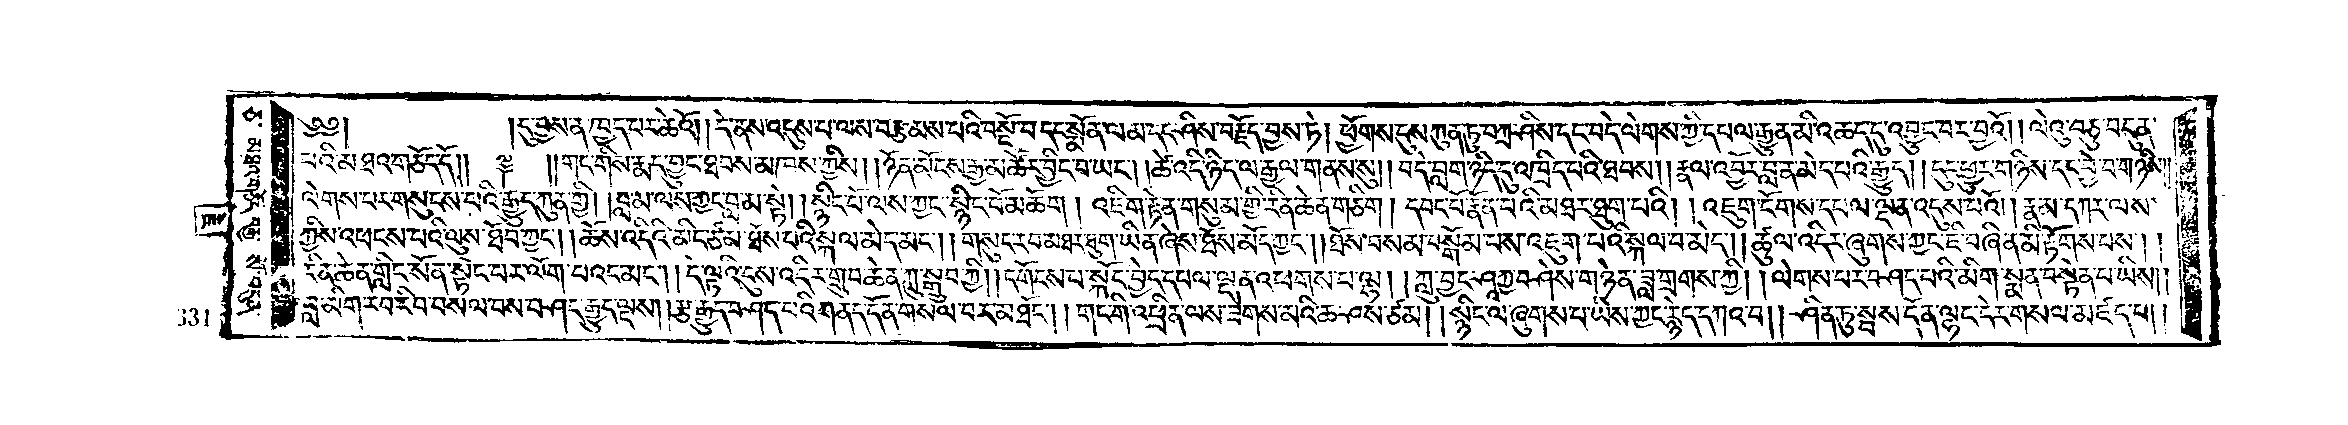༄༅། །དུ་བྱས་ན་ཁྱད་པར་ཆེའོ། །དེ་ནས་འདུས་པ་ལས་བརྩམས་པའི་བསྔོ་བ་དང་སྨོན་ལམ་དང་ཤིས་བརྗོད་བྱས་ཏེ། ཕྱོགས་དུས་ཀུན་ཏུ་བཀྲ་ཤིས་དང་བདེ་ལེགས་ཀྱི་དཔལ་རྒྱུན་མི་འཆད་དུ་འབྱུང་བར་བྱའོ། །ལེའུ་བཅུ་བདུན་
པའི་མཐའ་གཅོད་དོ།། ༈ །།གང་གིས་རྨད་བྱུང་ཐབས་མཁས་ཀྱིས། །ཉོན་མོངས་རྒྱ་མཚོར་བྱིང་བ་ཡང་། །ཚེ་འདི་ཉིད་ལ་རྒྱལ་གནས་སུ། །བདེ་བླག་ཉིད་དུ་འཁྲིད་པའི་ཐབས། །རྣལ་འབྱོར་བླ་ན་མེད་པའི་རྒྱུད། །དུང་ཕྱུར་གཉིས་དང་བྱེ་བ་གཉིས། །
ལེགས་པར་གསུངས་པའི་རྒྱུད་ཀུན་གྱི། །བླ་མ་ལས་ཀྱང་བླ་མ་སྟེ། །སྙིང་པོ་ལས་ཀྱང་སྙིང་པོ་མཆོག །འཇིག་རྟེན་གསུམ་གྱི་རིན་ཆེན་གཅིག །དབང་པོ་རྣོན་པའི་མཐར་ཐུག་པའི། །འཇུག་ངོགས་དཔལ་ལྡན་འདུས་པའོ། །རྣམ་དཀར་ལས་
ཀྱིས་འཕངས་པའི་ལུས་ཐོབ་ཀྱང་། །ཆོས་འདིའི་མིང་ཙམ་ཐོས་པའི་སྐལ་མེད་མང་། །གསུང་རབ་མཐར་ཐུག་ཡིན་ཞེས་ཐོས་མོད་ཀྱང་། །ཐོས་བསམ་བསྒོམ་པས་འཇུག་པའི་སྐལ་བ་མེད། །ཚུལ་འདིར་ཞུགས་ཀྱང་ཇི་བཞིན་མི་རྟོགས་པས། །
རིན་ཆེན་གླིང་སོན་སྟེང་པར་ལོག་པའང་མང་། །དེ་ལྟའི་དུས་འདིར་གྲུབ་ཆེན་ཀླུ་སྒྲུབ་ཀྱི། །དགོངས་པ་སྐོང་བྱེད་དཔལ་ལྡན་འཕགས་པ་ལྷ། །ཀླུ་བྱང་ཤཱཀྱ་བཤེས་གཉེན་ཟླ་གྲགས་ཀྱི། །ལེགས་པར་བཤད་པའི་མིག་སྨན་བསྟེན་པ་ཡིས། །
བློ་མིག་རབ་རིབ་བསལ་བས་བཤད་རྒྱུད་ལྔས། །རྩ་རྒྱུད་བཤད་པའི་གནད་དོན་གསལ་བར་མཐོང་། །གང་གི་འཕྲིན་ལས་ཟེགས་མའི་ཆ་ཤས་ཙམ། །སྙིང་ལ་ཞུགས་པ་ཡིས་ཀྱང་རྙེད་དཀའ་བ། །ཤིན་ཏུ་སྦས་དོན་ལྷང་དེར་གསལ་མཛད་པ། །